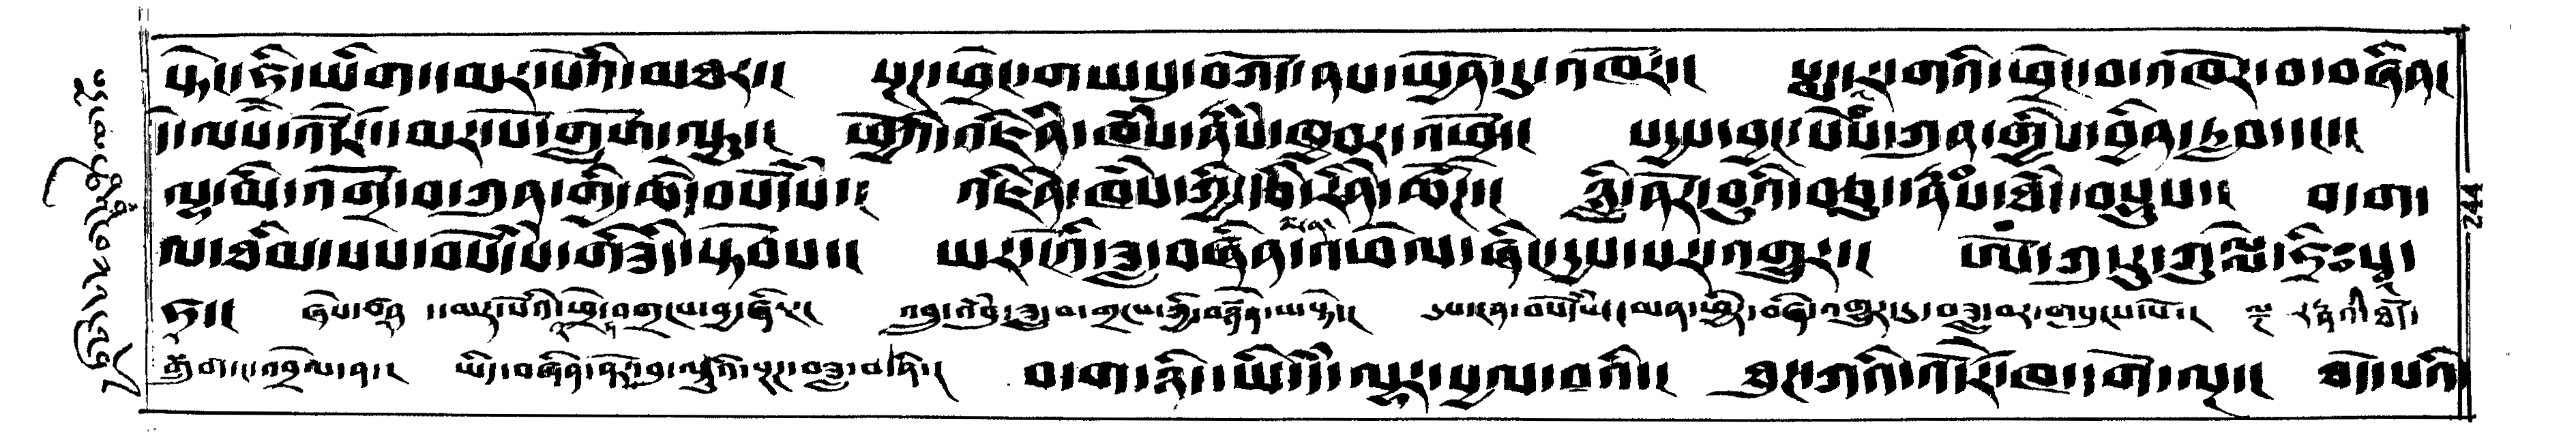སྟེང་ཧྲཱི་ཡིག་དམར་པོའི་མཐར། །སྔགས་ཕྲེང་གཡས་སུ་བཀོད་ནས་གཡོན་དུ་འཁོར། །པདྨ་རཱ་གའི་ཕྲེང་བ་འཁོར་བ་བཞིན། །
དེ་ལས་འོད་ཟེར་དམར་པོ་གློག་ལྟ་བུ། །ཕྱོགས་བཅུའི་འཇིག་རྟེན་ཁམས་རྣམས་ཁྱབ་པར་འཕྲོ། །སངས་རྒྱས་བྱང་སེམས་ཀུན་ཀྱིས་བྱིན་རླབས་དང་། །
ལྷ་མི་འགྲོ་བ་ཀུན་ཀྱི་ཚེ་བསོད་ནམས། །འཇིག་རྟེན་ཁམས་ཀྱི་རྩི་སྨན་རིན་ཆེན་ཚོགས། །ཉི་ཤུ་ནོར་བུའི་བཅུ་རྣམས་ཐམས་ཅད་བསྡུས། །བདག་
ལ་ཐིམ་པས་བསོད་ནམས་གཟི་བརྗིད་སྟོབས། །ཡར་ངོའི་ཟླ་བཞིན་འཕེལ་ཞིང་རྒྱས་པར་འགྱུར།།ཨོཾ་ཀུ་རུ་ཀུལླེ་ཧྲིཿསྭ་
ཧཱ། ཞེས་ཙནྡ་དམར་པོའི་འཕྲེ་བགྲང་བྱ་ཞིང་། འབྲུ་འབུམ་ཟླ་བ་གྲངས་ཀྱི་བསྙེན་པ་སྟེ། དུས་ངན་བསོད་ནམས་དམན་ཕྱིར་བཞི་འགྱུར་དུ་བཟླ་བར་གསུངས་སོ།། ༈ རཏྣཱི་ཐོད་
སྒྲུབ་དང་འབྲེལ་ན། ཡིད་བཞིན་ནོར་བུ་ལྟ་བུའི་སྔགས་བཟླ་བ་ནི། བདག་ཉིད་ཡི་དམ་ལྷར་གསལ་བའི། །ཐུགས་ཀའི་འོད་ཟེར་ཁ་དོག་ལྔ། །ཐོད་པའི་